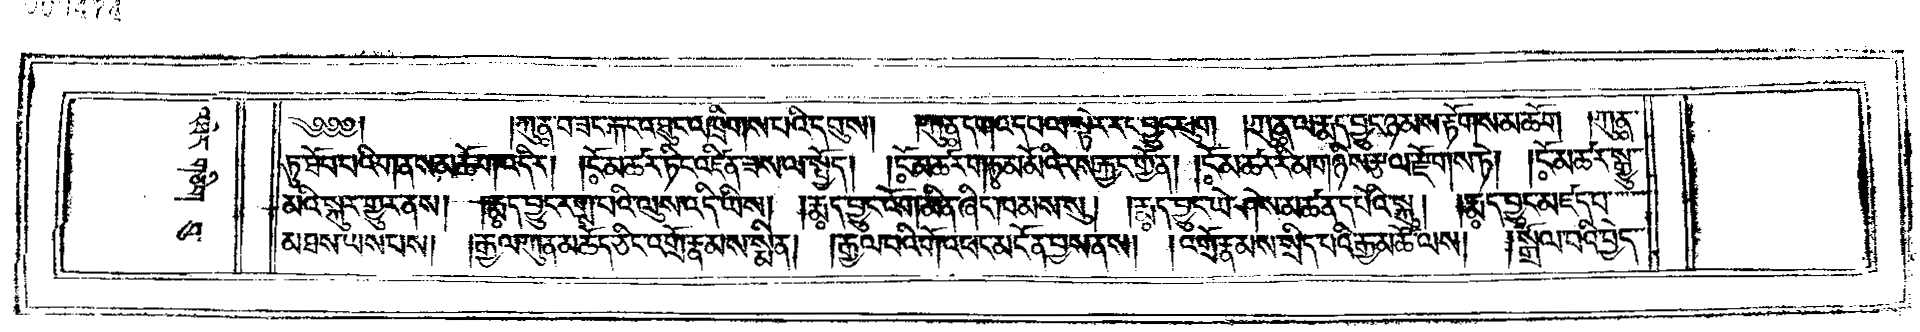༄༅༅། །ཀུན྾་བཟང་རྐང་འཐུང་འཁྲིགས་པའི་དབུས། །ཀུན྾་དགའ་དཔལ་སྟེར་རང་བྱུང་ཕུག །ཀུན྾་ལ་རྨད་བྱུང་ཉམས་རྟོགས་མཆོག །ཀུན྾་
ཏུ་ཐོབ་པའི་གནས་མཆོག་འདིར། །ངོ྾་མཚར་ཏིང་འཛིན་ཟས་ལ་སྤྱོད། །ངོ྾་མཚར་གཏུམ་མོའི་རས་རྐྱང་གྱོན། །ངོ྾་མཚར་རིམ་གཉིས་རྩལ་རྫོགས་ཏེ། །ངོ྾་མཚར་སྒྱུ་
མའི་སྐུར་གྱུར་ནས། །རྨད྾་བྱུང་རགས་པའི་ལུས་འདི་ཡིས། །རྨད྾་བྱུང་འོག་མིན་ཞིང་ཁམས་སུ། །རྨད྾་བྱུང་ཡེ་ཤེས་མཚན་དཔེའི་སྐུ། །རྨད྾་བྱུང་མཛད་པ་
མཐས་ཡས་པས། །རྒྱལ་ཀུན་མཆོད་ཅིང་འགྲོ་རྣམས་སྨིན། །རྒྱལ་བའི་གོ་འཕང་མངོན་བྱས་ནས། །འགྲོ་རྣམས་སྲིད་པའི་རྒྱ་མཚོ་ལས། །སྒྲོལ་བའི་བྱེད་